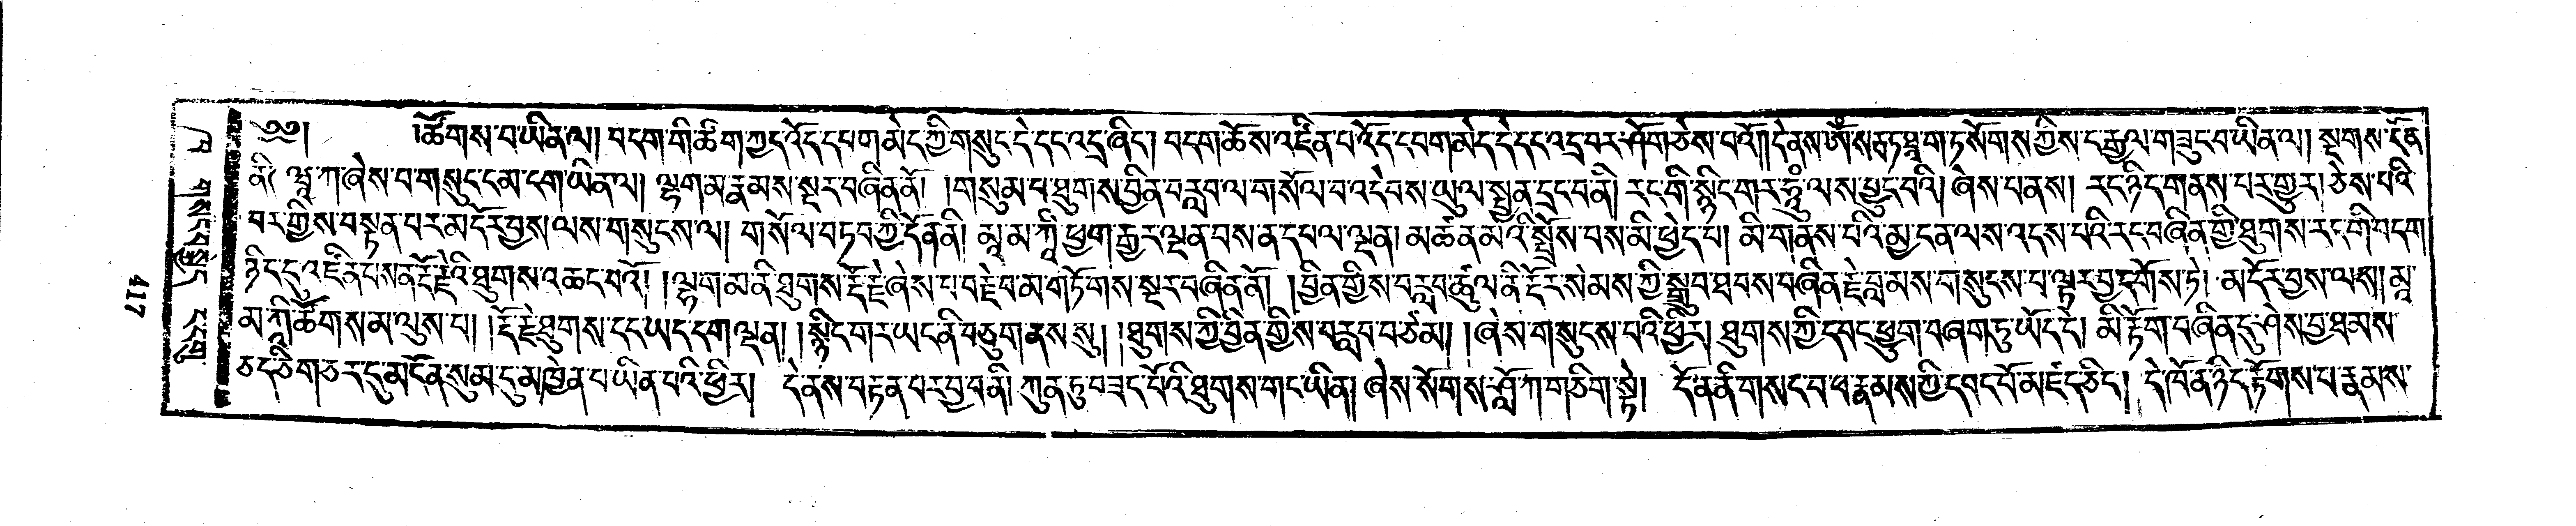༄༅། །ཚོགས་པ་ཡིན་ལ། བདག་གི་ཚིག་ཀྱང་འོད་དཔག་མེད་ཀྱི་གསུང་དེ་དང་འདྲ་ཞིང་། བདག་ཆོས་འཛིན་པ་འོད་དཔག་མེད་དེ་དང་འདྲ་བར་ཤོག་ཅེས་པའོ། །དེ་ནས་ཨོཾ་སརྦ་ཏ་ཐཱ་ག་ཏ་སོགས་ཀྱིས་ང་རྒྱལ་གཟུང་བ་ཡིན་ལ། སྔགས་དོན་
ནི༑ ཝཱ་ཀ་ཞེས་པ་གསུང་ངམ་ངག་ཡིན་ལ། ལྷག་མ་རྣམས་སྔར་བཞིན་ནོ། །གསུམ་པ་ཐུགས་བྱིན་བརླབ་ལ་གསོལ་བ་འདེབས་ཡུལ་སྤྱན་དྲང་བ་ནི། རང་གི་སྙིང་གར་ཧཱུཾ་ལས་བྱུང་བའི། ཞེས་པ་ནས། རང་ཉིད་གནས་པར་གྱུར། ཅེས་པའི་
བར་གྱིས་བསྟན་པར་མདོར་བྱས་ལས་གསུངས་ལ། གསོལ་བཏབ་ཀྱི་དོན་ནི། མཱ་མ་ཀཱི་ཕྱག་རྒྱར་ལྡན་པས་ན་དཔལ་ལྡན། མཚན་མའི་སྤྲོས་པས་མི་ཕྱེད་པ། མི་གནས་པའི་མྱ་ངན་ལས་འདས་པའི་རང་བཞིན་གྱི་ཐུགས་རང་གི་བདག་
ཉིད་དུ་འཛིན་པས་ན་རྡོ་རྗེའི་ཐུགས་འཆང་བའོ། །ལྷག་མ་ནི་ཐུགས་རྡོ་རྗེ་ཞེས་པ་བརྗེ་བ་མ་གཏོགས་སྔར་བཞིན་ནོ། །བྱིན་གྱིས་བརླབ་ཚུལ་ནི་རྡོར་སེམས་ཀྱི་སྒྲུབ་ཐབས་བཞིན་རྗེ་བླ་མས་གསུངས་པ་ལྟར་བྱ་དགོས་ཏེ། མདོར་བྱས་ལས། མཱ་
མ་ཀི་ཚོགས་མ་ལུས་པ། །རྡོ་རྗེ་ཐུགས་དང་ཡང་དག་ལྡན། །སྙིང་གར་ཡང་ནི་བཅུ་གནས་སུ། །ཐུགས་ཀྱི་བྱིན་གྱིས་བརླབ་པ་ཙམ། །ཞེས་གསུངས་པའི་ཕྱིར། ཐུགས་ཀྱི་དབང་ཕྱུག་བཞག་ཏུ་ཡོད་དེ། མི་རྟོག་བཞིན་དུ་ཤེས་བྱ་ཐམས་
ཅད་ཅིག་ཅར་དུ་མངོན་སུམ་དུ་མཁྱེན་པ་ཡིན་པའི་ཕྱིར། དེ་ནས་བརྟན་པར་བྱ་བ་ནི། ཀུན་ཏུ་བཟང་པོའི་ཐུགས་གང་ཡིན། ཞེས་སོགས་ཤློ་ཀ་གཅིག་སྟེ། དོན་ནི་གསང་བ་པ་རྣམས་ཀྱི་དབང་པོ་མཛད་ཅིང་། དེ་ཁོ་ན་ཉིད་རྟོགས་པ་རྣམས་